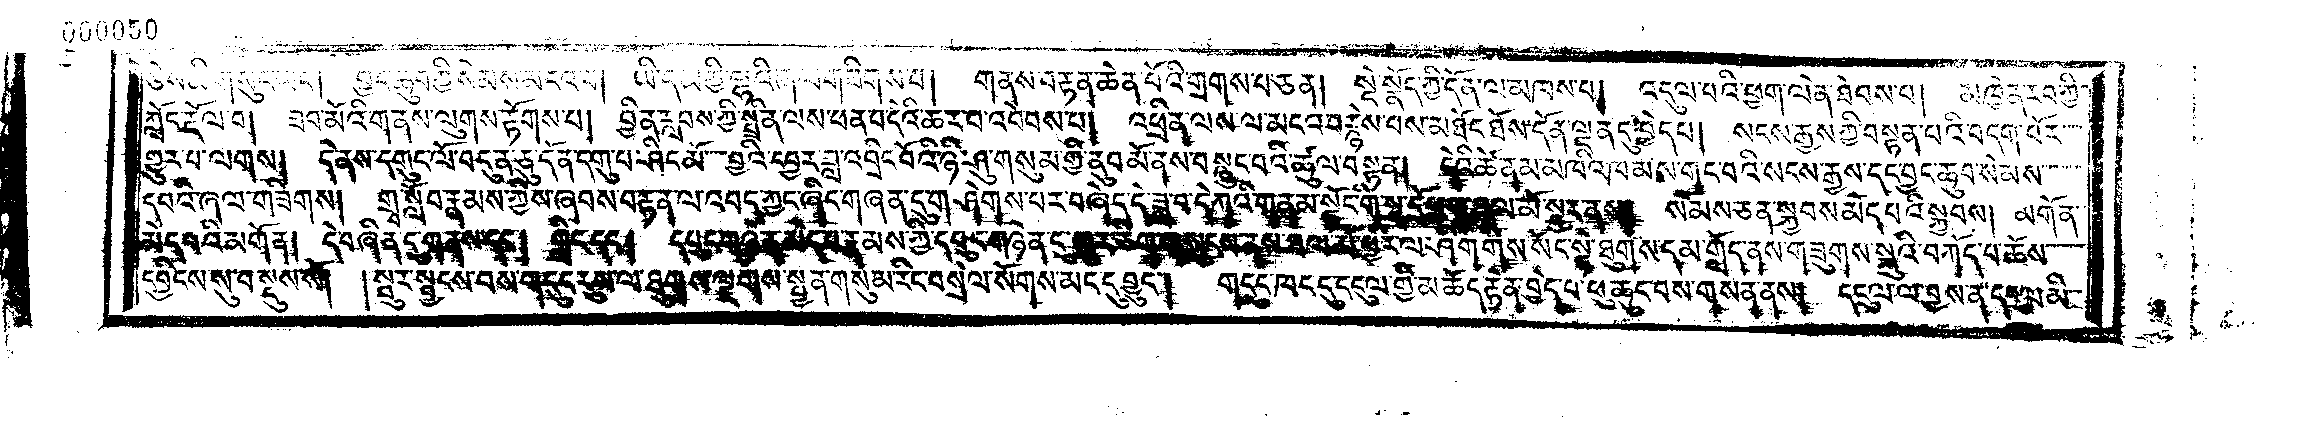ཅེས་མི་གསུང་ཡང་། བྱང་ཆུབ་ཀྱི་སེམས་མངའ་བ། ཡི་དམ་གྱི་ལྷའི་ཞལ་གཟིགས་པ། གནས་བརྟན་ཆེན་པོའི་གྲགས་པ་ཅན། སྡེ་སྣོད་ཀྱི་དོན་ལ་མཁས་པ། འདུལ་བའི་ཕྱག་ལེན་ཐེབས་པ། མཁྱེན་རབ་ཀྱི་
ཀློང་རྡོལ་བ། ཟབ་མོའི་གནས་ལུགས་རྟོགས་པ། བྱིན་རླབས་ཀྱི་སྤྲིན་ལས་ཕན་བདེའི་ཆར་པ་འབེབས་པ། འཕྲིན་ལས་ལ་མངའ་བརྙེས་པས་མཐོང་ཐོས་དོན་ལྡན་དུ་བྱེད་པ། སངས་རྒྱས་ཀྱི་བསྟན་པའི་བདག་པོར་
གྱུར་པ་ལགས། དེ་ནས་དགུང་ལོ་བདུན་ཅུ་དོན་དགུ་པ་ཤིང་མོ་བྱའི་དབྱར་ཟླ་འབྲིང་པོའི་ཉི་ཤུ་གསུམ་གྱི་ནུབ་མོ་ནས་བསྙུང་བའི་ཚུལ་བསྟན། དེའི་ཚེ་ནམ་མཁའི་ཁམས་གང་བའི་སངས་རྒྱས་དང་བྱང་ཆུབ་སེམས་
དཔའི་ཞལ་གཟིགས། གྲྭ་སློབ་རྣམས་ཀྱིས་ཞབས་བརྟན་ལ་འབད་ཀྱང་ཞིང་གཞན་དུ་གཤེགས་པར་བཞེད་དེ་ཟླ་བ་དེ་ཀའི་གནམ་སྟོང་གི་སྔ་དྲོ་ཕྱག་ཐལ་མོ་སྦྱར་ནས། སེམས་ཅན་སྐྱབས་མེད་པའི་སྐྱབས། མགོན་
མེད་པའི་མགོན། དེ་བཞིན་དུ་གནས་དང་། གླིང་དང་། དཔུང་གཉེན་མེད་པ་རྣམས་ཀྱི་དཔུང་གཉེན་དུ་གྱུར་ཅིག་གསུངས་ནས་ཐལ་མོ་ཕྱིར་ལ་ཤིག་གིས་སོང་སྟེ་ཐུགས་དམ་གློད་ནས་གཟུགས་སྐུའི་བཀོད་པ་ཆོས་
དབྱིངས་སུ་བསྡུས་སོ། །སྦུར་སྦྱངས་པས་གདུང་རུས་ལ་ཐུགས་ལྗགས་སྤྱན་གསུམ་རིང་བསྲེལ་སོགས་མང་དུ་བྱུང་། གདུང་ཁང་དུ་དངུལ་གྱི་མཆོད་རྟེན་བྱེད་པ་ཕུ་ཆུང་བས་གསན་ནས། དངུལ་ལ་བྱས་ན་དངུལ་མི་